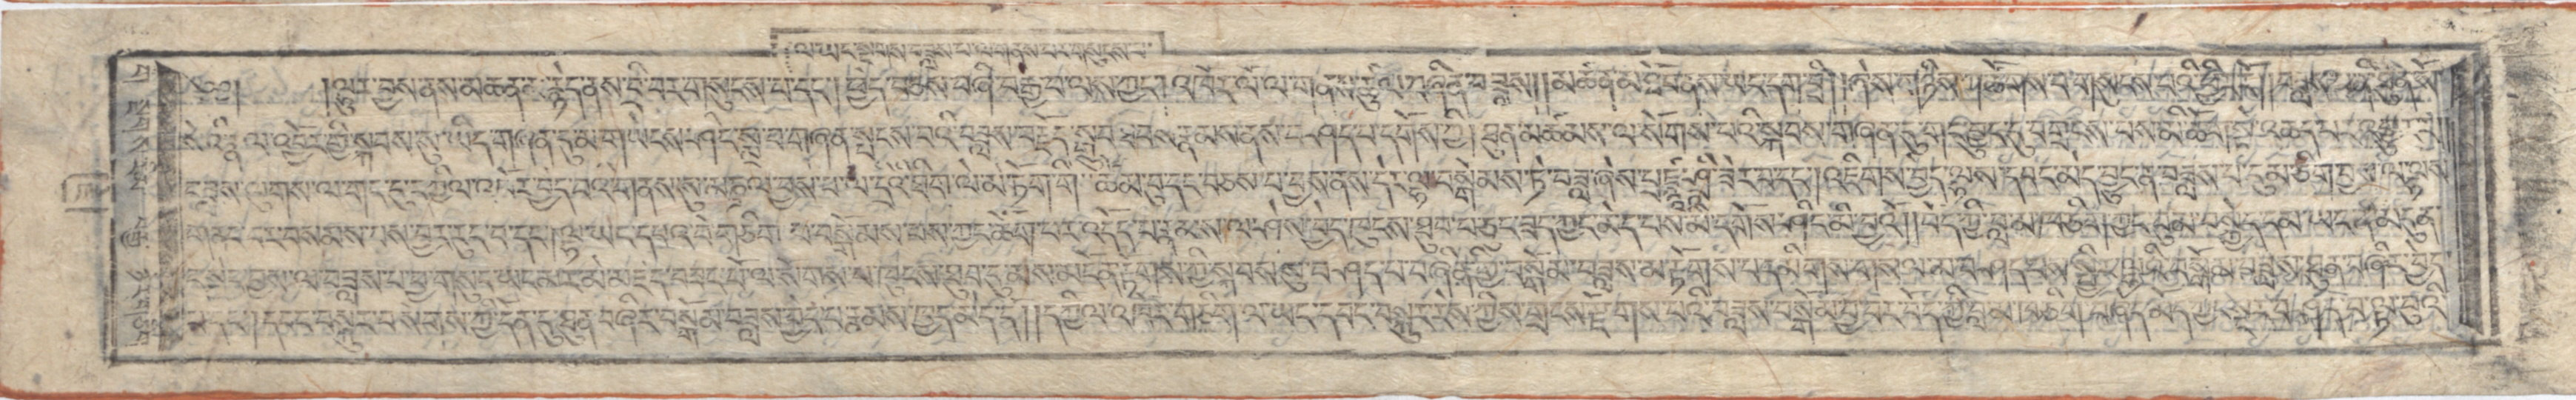༄༅། །ལྷུར་བྱས་ནས་མཚན་མ་རྙེད་ནས་བྲི་བར་གསུངས་པ་ལ་ཡང་སྔགས་བཟླས་པ་ལ་གནས་པར་གསུངས་པ་དང་། ཕྱེད་བཅས་བཞི་བརྒྱ་པ་ལས་ཀྱང་། འཁོར་ལོ་ལ་གནས་ཚུལ་བཞིན་བཟླས། །མཚན་མ་ཐོབ་ནས་ཡང་དག་བྲི། །ཞེས་གཉིས་ཀ་ཚོགས་པ་གསུངས་པའི་ཕྱིར་རོ། །བཟླས་པ་ནི་ཐུན་སོ་
སོའི་རྣལ་འབྱོར་གྱི་སྐབས་སུ་ཡིད་གཞན་དུ་མ་གཡེངས་ཤིང་སྨྲ་བ་གཞན་སྤངས་པའི་བཟླས་བརྗོད་སྒྲུབ་ཐབས་རྣམས་ནས་བཤད་པ་དགོས་ཀྱི། ཐུན་མཚམས་ལ་སོགས་པའི་སྐབས་གཞན་དུ་གང་བྱུང་དུ་བགྲངས་པས་མི་ཆོག་སྟེ་འཆད་པར་འགྱུར་རོ། །
བཟླས་ལུགས་ལ་གང་དུ་དཀྱིལ་འཁོར་བྱེད་པའི་གནས་སུ་མཎྜལ་བྱས་པ་ལ་དྲིའི་ཐིག་ལེ་མེ་ཏོག་གི་ཚོམ་བུ་དང་བཅས་པ་བྱས་ནས་དེར་ལྷ་བསྒོམས་ཏེ་བཟླ་ཞེས་པྲཛྙཱ་ཤྲཱི་ཟེར་བ་དང་། འཇིགས་བྱེད་ལྷས་དབང་མེད་བྱུང་ན་བཟླས་པ་དུམ་ཅིག་བྱས་ལ་ལྷས་
གནང་བར་བསམས་པས་བྱར་རུང་བ་དང་། ལྷ་ཡང་དཔའ་བོ་གཅིག་པ་བསྒོམས་པས་ཀྱང་ཆོག་པར་འདོད་པ་རྣམས་ལ་ཤེས་བྱེད་ཁུངས་ཐུབ་པ་ཅུང་ཟད་ཀྱང་མེད་པས་མི་དགོས་ཤིང་མི་བྱའོ། །བོད་ཀྱི་བླ་མ་ཁ་ཅིག་ཀྱང་བུམ་བསྐྱེད་དམ་ཡང་ན་མདུན་
བསྐྱེད་བྱས་ལ་བཟླས་པ་བྱ་གསུང་ཡང་མར་མེ་མཛད་བཟང་པོ་ལ་སོགས་པ་ཁུངས་ཐུབ་དུ་མས་མངོན་རྟོགས་ཀྱི་སྐབས་སུ་བཤད་པ་བཞིན་གྱི་བསྒོམ་བཟླས་མ་རྟོགས་པ་དམིགས་གསལ་མ་བཤད་པས་སྤྱིར་ལྷའི་བསྒོམ་བཟླས་ཐུན་བཞིར་བྱེད་
པ་དང་། དབང་བསྐུར་བ་སོགས་ཀྱི་དོན་དུ་ཐུན་བཞིར་བསྒོམ་བཟླས་བྱེད་པ་རྣམས་ཁྱད་མེད་དོ། །དཀྱིལ་འཁོར་གཅིག་ལ་ཡང་དབང་བསྐུར་རེས་ཀྱིས་གྲངས་རྫོགས་པའི་བཟླས་བསྒོམ་བྱ་བར་བོད་ཀྱི་བླ་མ་ཁ་ཅིག་བཞེད་མོད་ཀྱང་སྔར་བཤད་པ་ལྟ་བུའི་